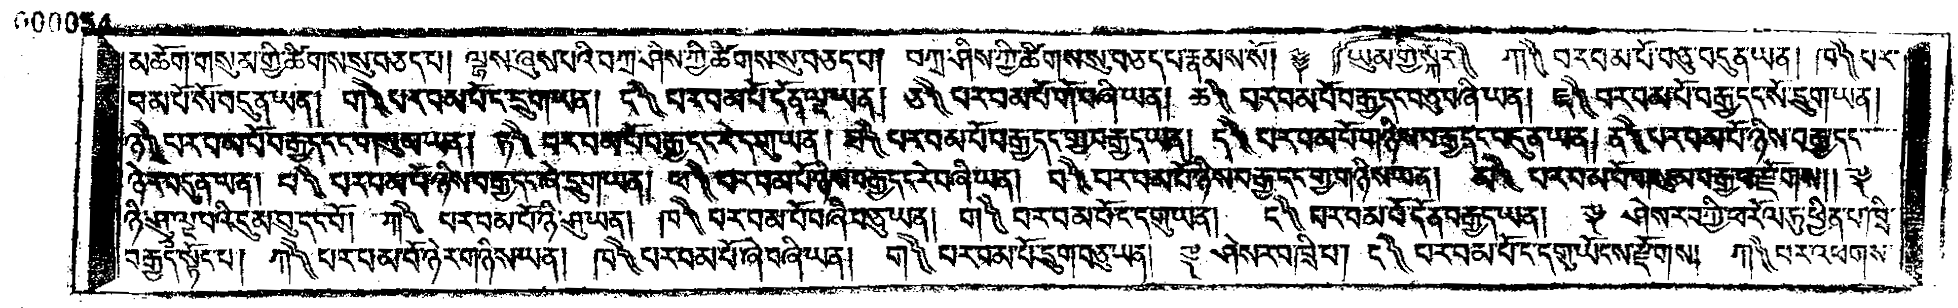མཆོག་གསུམ་གྱི་ཚིགས་སུ་བཅད་པ། ལྷས་ཞུས་པའི་བཀྲ་ཤིས་ཀྱི་ཚིགས་སུ་བཅད་པ། བཀྲ་ཤིས་ཀྱི་ཚིགས་སུ་བཅད་པ་རྣམས་སོ། ༈ ༼༽ཡུམ་གྱི་སྐོར༼༽ ཀ༼༽ བར་བམ་པོ་བཅུ་བདུན་ཡན། ཁ༼༽ པར་
བམ་པོ་སོ་བདུན་ཡན། ག༼༽ པར་བམ་པོ་ང་དྲུག་ཡན། ང༼༽ པར་བམ་པོ་དོན་ལྔ་ཡན། ཅ༼༽ པར་བམ་པོ་གོ་བཞི་ཡན། ཆ༼༽ པར་བམ་པོ་བརྒྱ་དང་བཅུ་བཞི་ཡན། ཇ༼༽ བར་བམ་པོ་བརྒྱ་དང་སོ་དྲུག་ཡན།
ཉ༼༽ པར་བམ་པོ་བརྒྱ་དང་ང་གསུམ་ཡན། ཏ༼༽ པར་བམ་པོ་བརྒྱ་དང་རེ་དགུ་ཡན། ཐ༼༽ པར་བམ་པོ་བརྒྱ་དང་གྱ་བརྒྱད་ཡན། ད༼༽ པར་བམ་པོ་གཉིས་བརྒྱ་དང་བདུན་ཡན། ན༼༽ པར་བམ་པོ་ཉིས་བརྒྱ་དང་
ཉེར་བདུན་ཡན། པ༼༽ པར་བམ་པོ་ཉིས་བརྒྱ་དང་ཞེ་དྲུག་ཡན། ཕ༼༽ པར་བམ་པོ་ཉིས་བརྒྱ་དང་རེ་བཞི་ཡན། བ༼༽ པར་བམ་པོ་ཉིས་བརྒྱ་དང་གྱ་གཉིས་ཡན། མ༼༽ པར་བམ་པོ་གསུམ་བརྒྱ་བ་རྫོགས།། ༈
ཉི་ཤུ་ལྔ་པའི་དུམ་བུ་དང་པོ། ཀ༼༽ པར་བམ་པོ་ཉི་ཤུ་ཡན། ཁ༼༽ པར་བམ་པོ་བཞི་བཅུ་ཡན། ག༼༽ པར་བམ་པོ་ང་དགུ་ཡན། ང༼༽ པར་བམ་པོ་དོན་བརྒྱད་ཡན། ༈ ཤེས་རབ་ཀྱི་ཕ་རོལ་ཏུ་ཕྱིན་པ་ཁྲི་
བརྒྱད་སྟོང་པ། ཀ༼༽ པར་བམ་བོ་ཉེར་གཉིས་ཡན། ཁ༼༽ པར་བམ་པོ་ཞེ་བཞི་ཡན། ག༼༽ པར་བམ་པོ་དྲུག་བཅུ་ཡན། ༈ ཤེས་རབ་ཁྲི་པ། ང༼༽ པར་བམ་པོ་ང་དགུ་ཡོངས་རྫོགས། ཀ༼༽ པར་འཕགས་